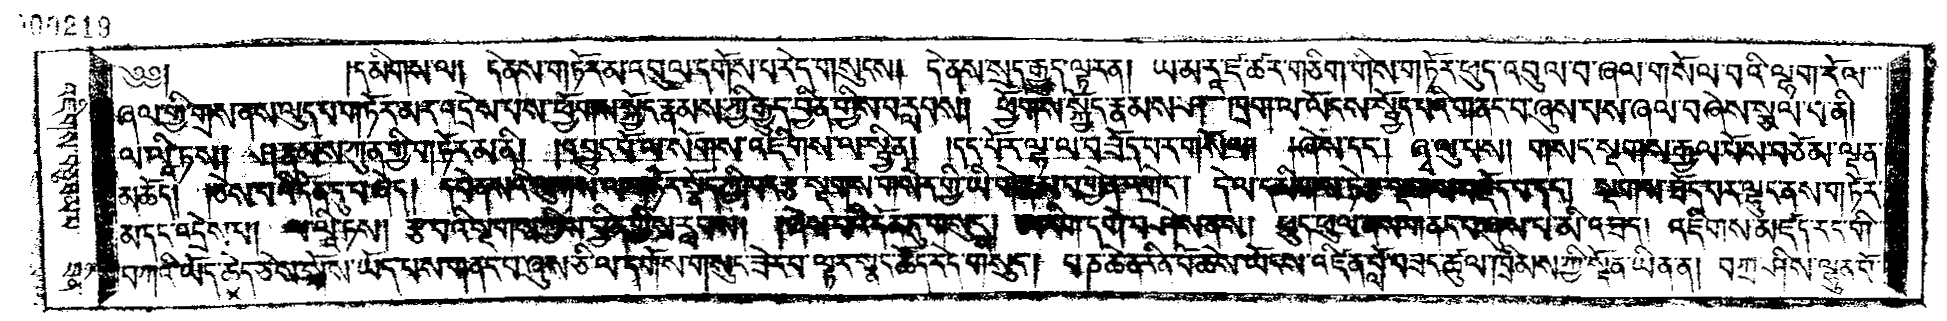༄༅། །དམིགས་ལ། དེ་ནས་གཏོར་མ་འབུལ་དགོས་པ་རེད་གསུངས། དེ་ནས་སྲད་རྒྱུད་ལྟར་ན། ཡ་མ་རཱ་ཛ་ཚར་གཅིག་གིས་གཏོར་ཕུད་འབུལ་བ་ཞལ་གསོལ་བའི་ལྷག་རོལ་
ཞལ་གྱི་གྲས་ནས་ལུད་པ་གཏོར་མར་འདྲེས་པས་ཕྱོགས་སྐྱོང་རྣམས་ཀྱི་རྒྱུད་བྱིན་གྱིས་བརླབས། ཕྱོགས་སྐྱོང་རྣམས་ཤ་ཁྲག་ལ་ལོངས་སྤྱོད་པའི་གནང་བ་ཞུས་པས་ཞལ་བཞེས་སྩལ་བ་ནི།
ལ་ལཱི་ཏས། ཤ་རྣམས་ཀུན་གྱི་གཏོར་མ་ནི། །འབྱུང་པོ་ལ་སོགས་འཇིགས་ལ་སྦྱིན། །དང་པོར་ལྷ་ལ་བཟོད་པར་གསོལ། །ཞེས་དང་། ཞྭ་ལུ་པས། གསང་སྔགས་རྒྱལ་པོས་བཅོམ་ལྡན་
མཆོད༑ ༑ཅེས་པའི་དོན་དུ་བཞེད། དབེན་སའི་ལུགས་ལ་གཏོར་སྣོད་ཀྱི་ཁར་རྩ་སྔགས་གསེར་གྱི་ཡི་གེ་རྣམ་པ་གྱེན་འགྲེང་། དེ་ལ་དམིགས་ཏེ་རྩ་སྔགས་བརྗོད་པ་དང་། སྔགས་ཐོད་པར་ལྷུང་ནས་གཏོར་
མ་དང་འདྲེས་པ། ལ་ལཱི་ཏས། རྩ་བའི་སྔགས་ཀྱིས་བྱིན་གྱིས་རླབས། །ཞེས་པའི་དོན་དུ་གསུངས། ཨ་རིག་དགེ་བཤེས་ནས། ཕུད་ཕུལ་ནས་གནང་བ་ཞུས་པ་མི་འཐད། འཇིགས་མཛད་རང་གི་
བཀའི་ཡོད་ཆེད་྾་ཅེས་སྐོས་ཡོད་པས་གནང་བ་ཞུས་ཅི་ལ་དགོས་གསུང་ཟེར་བ་ལྟར་སྣང་ཚོད་རེད་གསུང་། པཎ་ཆེན་རིན་པོ་ཆེས་ཡོངས་འཛིན་བློ་བཟང་ཚུལ་ཁྲིམས་ཀྱི་སྡོན་ཡིན་ན། བཀྲ་ཤིས་ལྷུན་པོ་